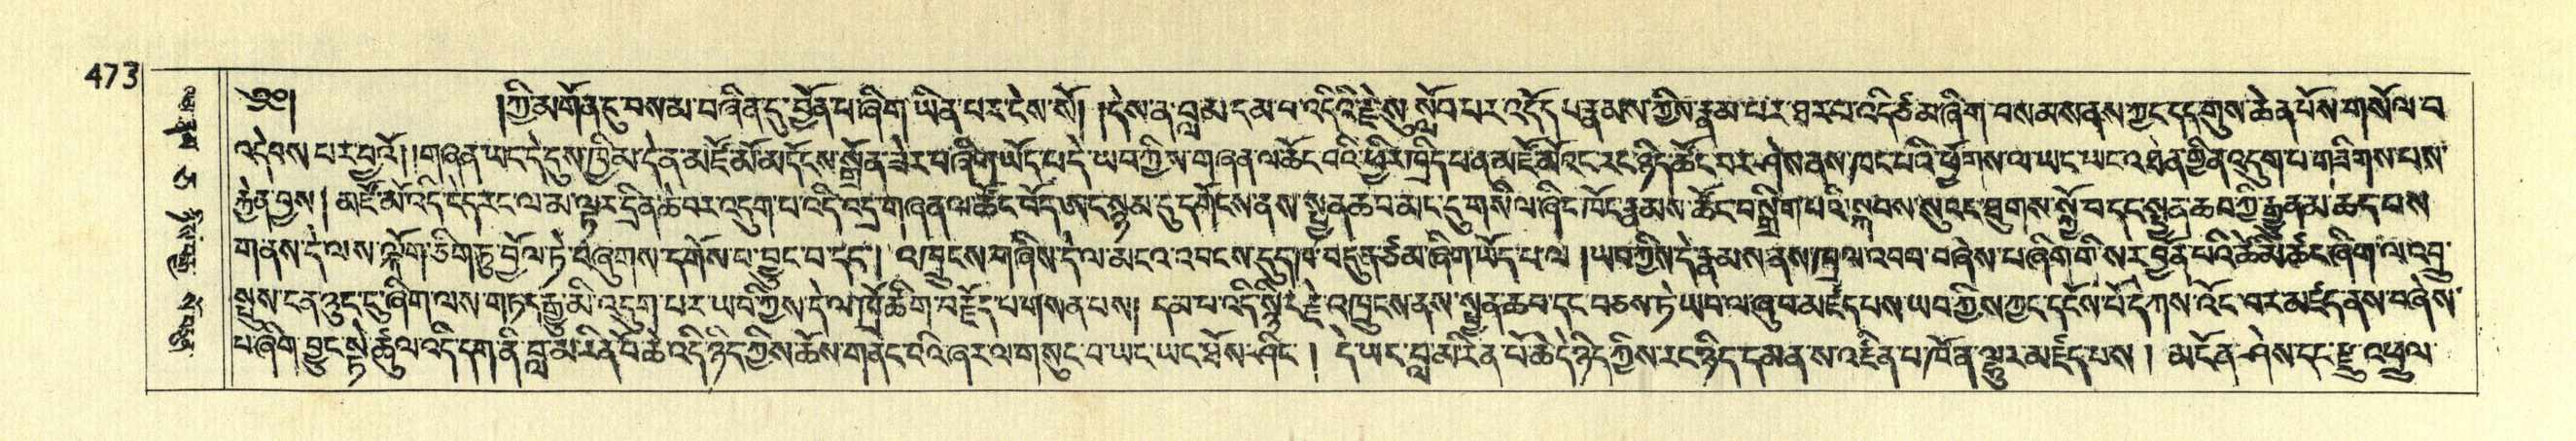༄༅། །ཀྱི་མགོན་དུ་བསམ་བཞིན་དུ་བྱོན་པ་ཞིག་ཡིན་པར་ངེས་སོ། །དེས་ན་བླ་མ་དམ་པ་འདིའི་རྗེ་སུ་སློབ་པར་འདོད་པ་རྣམས་ཀྱིས་རྣམ་པར་ཐར་པ་འདི་ཙམ་ཞིག་བསམས་ནས་ཀྱང་དད་གུས་ཆེན་པོས་གསོལ་བ་
འདེབས་པར་བྱའོ། །གཞན་ཡང་དེ་དུས་ཁྱིམ་དེ་ན་མཛོ་མོ་མདོངས་སྒྲོན་ཟེར་བ་ཞིག་ཡོད་པ་དེ་ཡབ་ཀྱིས་གཞན་ལ་ཆོང་བའི་ཕྱིར་ཁྲིད་པ་ན་མཛོ་མོའང་རང་ཉིད་ཚོང་བར་ཤེས་ནས་ཁང་པའི་ཕྱོགས་ལ་ཡང་ཡང་འཐེན་གྱིན་འདུག་པ་གཟིགས་པས་
རྐྱེན་བྱས། མཛོ་མོ་འདི་ངེད་རང་ལ་མ་ལྟར་དྲིན་ཆེ་བར་འདུག་པ་འདི་འདྲ་གཞན་ལ་ཚོང་བོད་ཨང་སྙམ་དུ་དགོངས་ནས་སྤྱན་ཆབ་མང་དུ་གསིལ་ཞིང་ཁོང་རྣམས་ཚོང་བསྒྲིག་པའི་སྐབས་སུའང་ཐུགས་སྐྱོ་བ་དང་སྤྱན་ཆབ་ཀྱི་རྒྱུན་མ་ཆད་པས་
གནས་དེ་ལས་ལྐོག་ཅིག་ཏུ་བྱོལ་ཏེ་བཞུགས་དགོས་པ་བྱུང་བ་དང་། འཁྲུངས་གཞིས་དེ་ལ་མངའ་འབངས་དུད་ཁ་བདུན་ཙམ་ཞིག་ཡོད་པ་ལ། ཡབ་ཀྱིས་དེ་རྣམས་ནས་ཁྲལ་འབབ་བཞེས་པ་ཞིག་གི་སར་བྱོན་པའི་ཚེ་མི་ཚང་ཞིག་ལ་འབྲུ་
སྤུས་ངན་ཉུང་དུ་ཞིག་ལས་གཏད་རྒྱུ་མི་འདུག་པར་ཡབ་ཀྱིས་དེ་ལ་ཁྲོ་ཚིག་བརྗོད་པ་གསན་པས། དམ་པ་འདི་སྙིང་རྗེ་འཁྲུངས་ནས་སྤྱན་ཆབ་དང་བཅས་ཏེ་ཡབ་ལ་ཞུ་བ་མཛད་པས་ཡབ་ཀྱིས་ཀྱང་དངོས་པོ་དེ་ཀས་འོང་བར་མཛད་ནས་བཞེས་
པ་ཞིག་བྱུང་སྟེ་ཚུལ་འདི་དག་ནི་བླ་མ་རིན་པོ་ཆེ་འདི་ཉིད་ཀྱིས་ཆོས་གནང་བའི་ཞར་ལ་གསུང་བ་ཡང་ཡང་ཐོས་ཤིང་། དེ་ཡང་བླ་མ་རིན་པོ་ཆེ་དེ་ཉིད་ཀྱིས་རང་ཉིད་དམན་ས་འཛིན་པ་ཁོ་ན་ལྷུར་མཛད་པས། མངོན་ཤེས་དང་རྫུ་འཕྲུལ་